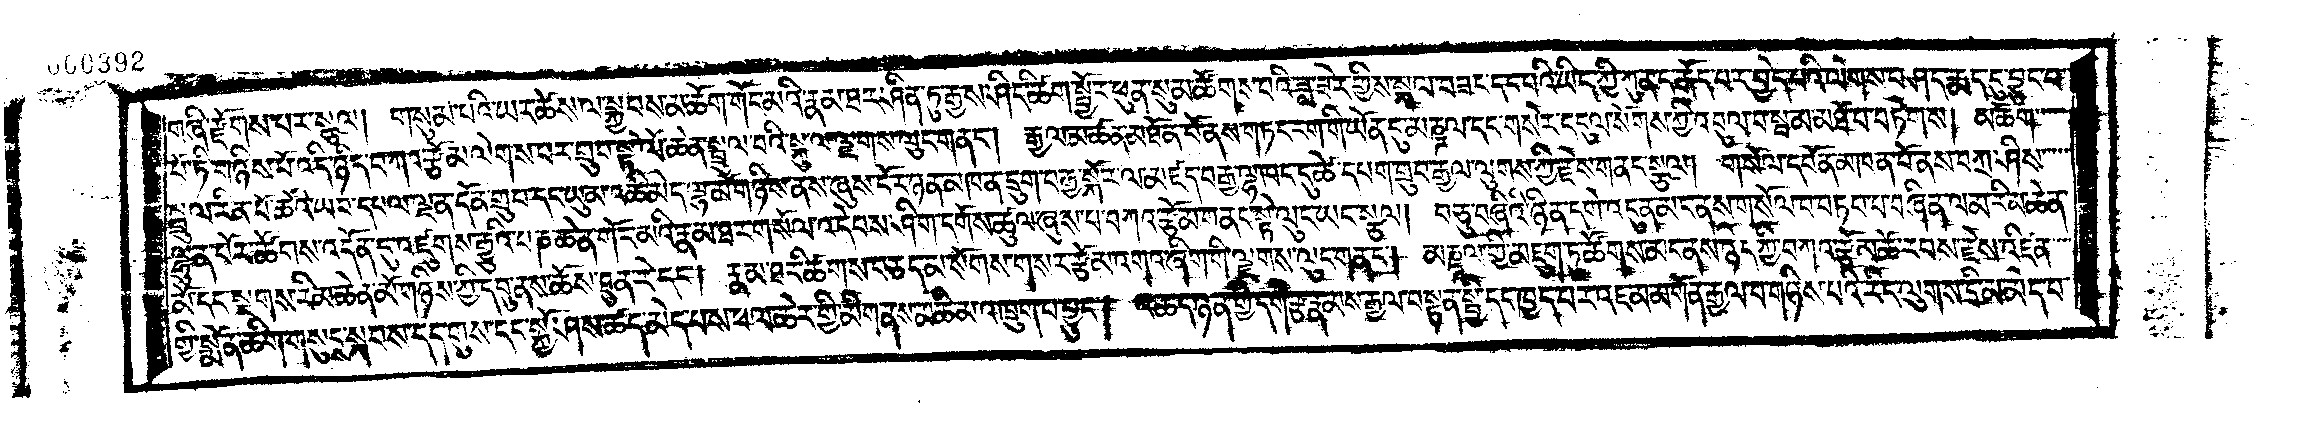གཞི་རྫོགས་པར་སྩལ། གསུམ་པའི་ཡར་ཚེས་ལ་སྐྱབས་མཆོག་གོང་མའི་རྣམ་ཐར་ཤིན་ཏུ་རྒྱས་ཤིང་ཚིག་སྦྱོར་ཕུན་སུམ་ཚོགས་པའི་ཟླ་ཟེར་གྱིས་སྐལ་བཟང་དད་པའི་ཡིད་ཀྱི་ཀུན་ད་རྒོད་པར་བྱེད་པའི་ལེགས་བཤད་རྨད་དུ་བྱུང་བ་
པོ་ཏི་གཉིས་པོ་འདི་ཉིད་བཀའ་རྩོམ་ལེགས་པར་གྲུབ་སྟེ་ལོ་ཆེན་སྤྲུལ་པའི་སྐུ་ལ་ལྗགས་ལུང་གནང་། རྒྱལ་མཚན་མཐོན་པོ་ནས་གཏང་རག་གི་གཡོན་དུ་མཎྜལ་དང་གསེར་དངུལ་སོགས་ཀྱི་འབུལ་བ་སྤམ་མཐོ་བ་བཏེགས། མཆོག་
སྤྲུལ་རིན་པོ་ཆེའི་ཡབ་དཔལ་ལྡན་དོན་གྲུབ་དང་ཡུམ་འཆི་མེད་ལྷ་མོ་གཉིས་ནས་ཞུས་ངོར་ཉན་མཁན་དྲུག་བརྒྱ་སྐོར་ལ་མཛད་བརྒྱ་ལྷ་ཁང་དུ་ཚེ་དཔག་གྲུབ་རྒྱལ་ལུགས་ཀྱི་རྗེས་གནང་སྩལ། གསོལ་དཔོན་མཁན་པོ་ནས་བཀྲ་ཤིས་
ལྷུན་པོར་ཚོགས་འདོན་དུ་འཛུགས་རྒྱུའི་པཎ་ཆེན་གོང་མའི་རྣམ་ཐར་གསོལ་འདེབས་ཤིག་དགོས་ཚུལ་ཞུས་བ་བཀའ་རྩོམ་གནང་སྟེ་ལུང་ཡང་སྩལ། བཅུ་བཞིའི་ཉིན་དགེ་འདུན་མང་ནས་གསོལ་བ་བཏབ་པ་བཞིན་ལམ་རིམ་ཆེན་
མོ་དང་སྔགས་རིམ་ཆེན་མོ་གཉིས་ཀྱི་དབུ་ནས་ཆོས་ཐུན་རེ་དང་། རྣམ་ཐར་ཚིགས་བཅད་མ་སོགས་གསར་རྩོམ་འགའ་ཞིག་གི་ལྗགས་ལུང་གནང་། མཎྜལ་གྱི་མཇུག་ཏུ་ཚོགས་མང་ནས་ཉིད་ཀྱི་བཀའ་རྩོམ་ཚེ་རབས་རྗེས་འཛིན་
གྱི་སྨོན་ཚིག་གསུང་སྐབས་དད་གུས་དང་སྐྱོ་ཤས་ཚད་མེད་པས་ཕལ་ཆེར་གྱི་མིག་ནས་མཆི་མ་འཁྲུག་པ་བྱུང་། འཆད་ཉན་གྱི་དགེ་རྩ་རྣམས་རྒྱལ་བསྟན་སྤྱི་དང་ཁྱད་པར་འཇམ་མགོན་རྒྱལ་བ་གཉིས་པའི་རིང་ལུགས་དྲི་མ་མེད་པ་